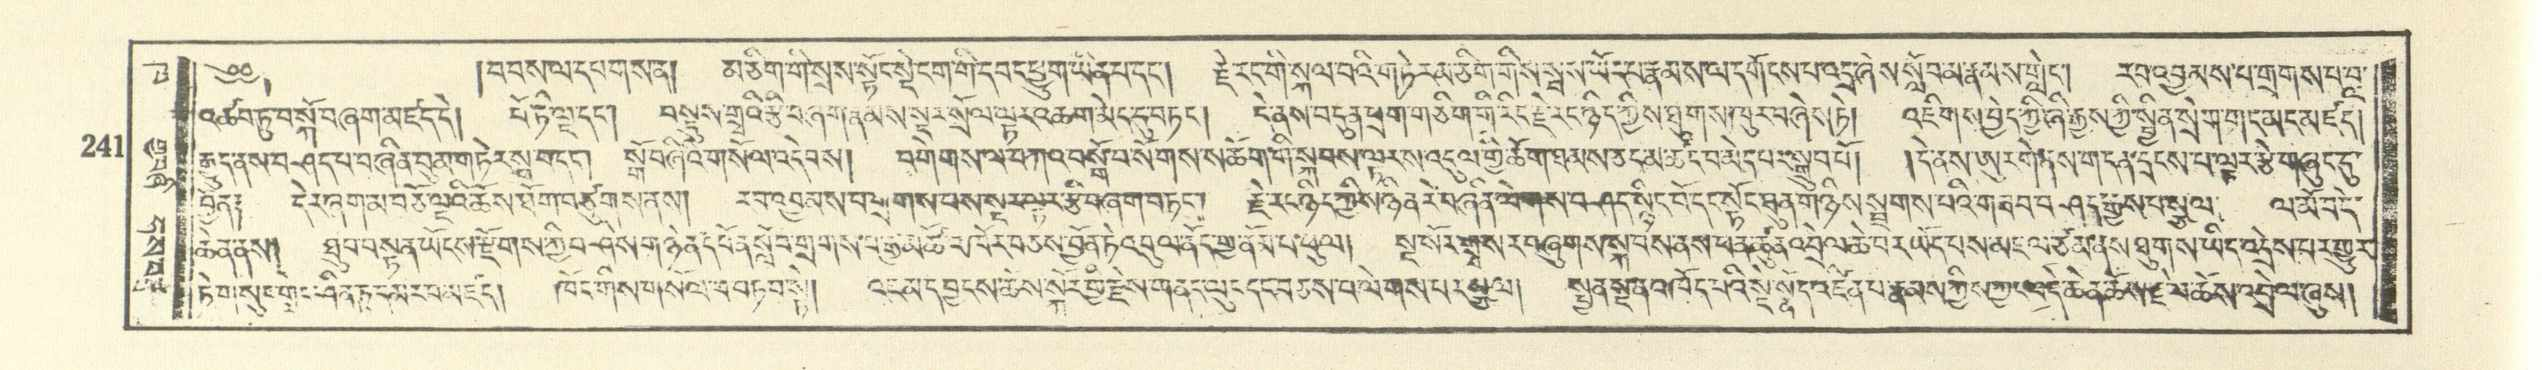༄༅། །བབས་ལ་དཔགས་ན། མ་ཅིག་གི་སྲས་སྟོང་སྡེ་ངག་གི་དབང་ཕྱུག་ཡིན་པ་དང་། རྗེ་རང་གི་སྐལ་བའི་གཏེར་མ་ཅིག་གིས་སྤས་ཡོད་པ་རྣམས་ལ་དགོངས་པ་འདྲ་ཞེས་སློབ་མ་རྣམས་གླེང་། རབ་འབྱམས་པ་གྲགས་པ་བླ་
འཚབ་ཏུ་བསྐོ་བཞག་མཛད་དེ། བོ་ཏི་ལྔ་དང་། བསྡུས་གྲྭའི་རྩི་བཞག་རྣམས་སྔར་སྲོལ་ལྟར་འཆག་མེད་དུ་བཏང་། དེ་ནས་བདུན་ཕྲག་གཅིག་གི་རིང་རྗེ་རང་ཉིད་ཀྱིས་ཐུགས་ཁུར་བཞེས་ཏེ། འཇིགས་བྱེད་ཀྱི་ཞི་རྒྱས་ཀྱི་སྤྱིན་སྲེག་གང་མང་མཛད།
རྒྱུད་ནས་བཤད་པ་བཞིན་བུམ་གཏེར་སྤ་བ་དང་། སྒོ་བཞིའི་གསོལ་འདེབས། བགེགས་ལ་བཀའ་བསྒོ་བ་སོགས་ས་ཆོག་གི་སྐབས་ལྟར་ས་འདུལ་གྱི་ཆོ་ག་ཐམས་ཅད་མ་ཚང་བ་མེད་པར་སྒྲུབ་པོ། །དེ་ནས་ཨུར་གེ་ནས་གདན་དྲངས་པ་ལྟར་རྩེ་གཞུང་དུ་
བྱོན༑ དེར་ཞག་མ་བཅོ་ལྔའི་ཆོས་ཐོག་བཙུགས་ནས། རབ་འབྱམས་པ་གྲགས་པས་སྔར་ལྟར་རྩི་བཞག་བཏང་། རྗེ་རང་ཉིད་ཀྱིས་ཉིན་རེ་བཞིན་ལེགས་བཤད་སྙིང་པོ་དང་སྟོང་ཐུན་གཉིས་སྦྲགས་པའི་གཟབ་བཤད་རྒྱས་པ་སྩལ། ལ་མོ་བདེ་
ཆེན་ནས། ཐུབ་བསྟན་ཡོངས་རྫོགས་ཀྱི་བཤེས་གཉེན་དཔོན་སློབ་གྲགས་པ་རྒྱ་མཚོ་འཁོར་བཅས་བྱོན་ཏེ་འབུལ་ནོད་གྱ་ནོམ་པ་ཕུལ། སྔ་སོར་གྲྭ་སར་བཞུགས་སྐབས་ནས་ཕན་ཚུན་འབྲེལ་ཆེ་བར་ཡོད་པས་མཇལ་ཙམ་ནས་ཐུགས་ཡིད་འདྲེས་པར་གྱུར་
ཏེ་གསུང་གླེང་ཤིན་ཏུ་དམར་བ་མཛད། ཁོང་གིས་གསོལ་བ་བཏབ་སྟེ། འཇམ་དབྱངས་ཆོས་སྐོར་གྱི་རྗེས་གནང་ལུང་དང་བཅས་པ་ལེགས་པར་སྩལ། སྤྱན་སྔ་ན་འཁོད་པའི་སྡེ་སྣོད་འཛིན་པ་རྣམས་ཀྱིས་ཀྱང་བདེ་ཆེན་ཆོས་རྗེ་ལ་ཆོས་འབྲེལ་ཞུས།